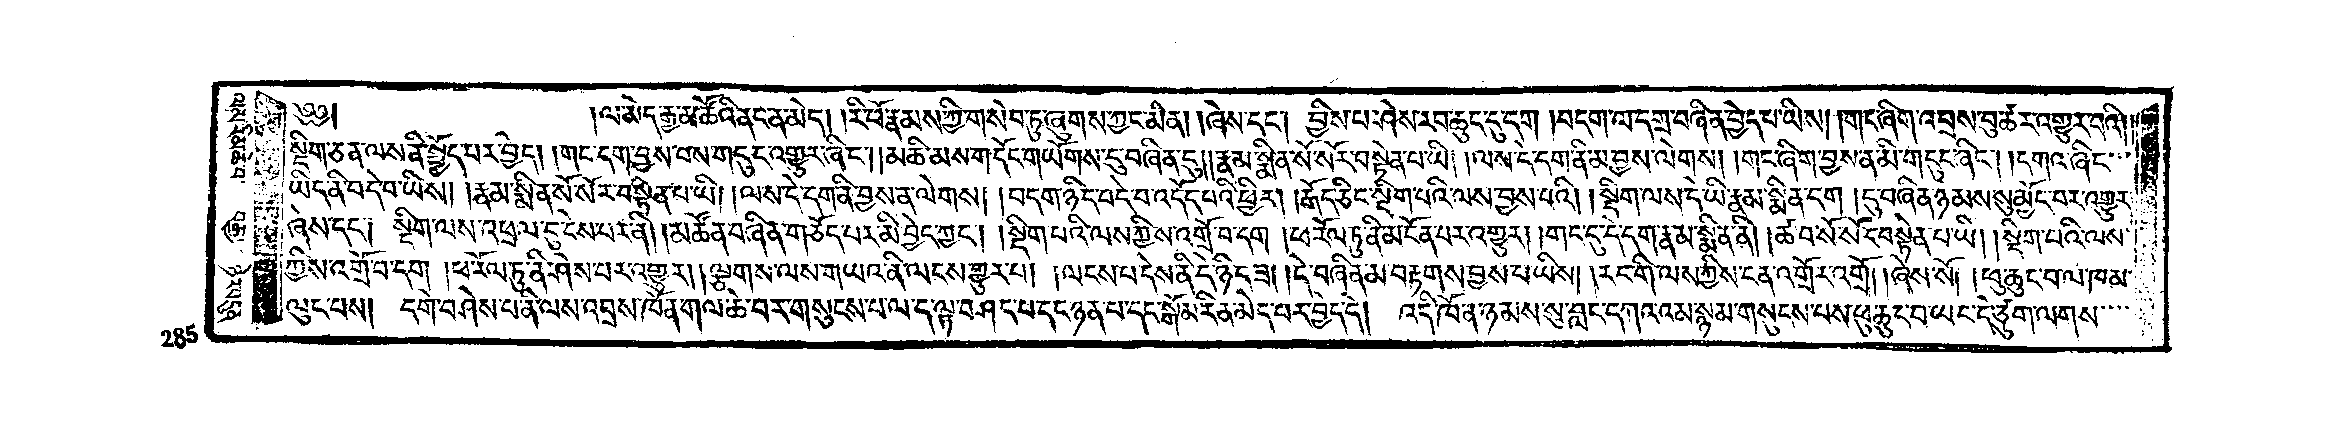༄༅། །ལ་མེད་རྒྱ་མཚོའི་ནང་ན་མེད། །རི་བོ་རྣམས་ཀྱི་གསེབ་ཏུ་ཞུགས་ཀྱང་མིན། །ཞེས་དང་། བྱིས་པ་ཤེས་རབ་ཆུང་ངུ་དག །བདག་ལ་དགྲ་བཞིན་བྱེད་པ་ཡིས། །གང་ཞིག་འབྲས་བུ་ཚར་འགྱུར་བའི། །
སྡིག་ཅན་ལས་ནི་སྤྱོད་པར་བྱེད། །གང་དག་བྱས་པས་གདུང་འགྱུར་ཞིང་། །མཆི་མས་གདོང་གཡོགས་དུ་བཞིན་དུ། །རྣམས་སྨིན་སོ་སོར་བསྟེན་པ་ཡི། །ལས་དེ་དག་ནི་མ་བྱས་ལེགས། །གང་ཞིག་བྱས་ན་མི་གདུང་ཞིང་། །དགའ་ཞིང་
ཡིད་ནི་བདེ་བ་ཡིས། །རྣམ་སྨིན་སོ་སོར་བསྟེན་པ་ཡི། །ལས་དེ་དག་ནི་བྱས་ན་ལེགས། །བདག་ཉིད་བདེ་བ་འདོད་པའི་ཕྱིར། །རྒོད་ཅིང་སྡིག་པའི་ལས་བྱས་པའི། །སྡིག་ལས་དེ་ཡི་རྣམ་སྨིན་དག །དུ་བཞིན་ཉམས་སུ་མྱོང་བར་འགྱུར། །
ཞེས་དང་། སྡིག་ལས་འཕྲལ་དུ་ངེས་པར་ནི། །མཚོན་བཞིན་གཅོད་པར་མི་བྱེད་ཀྱང་། །སྡིག་པའི་ལས་ཀྱིས་འགྲོ་བ་དག །ཕ་རོལ་ཏུ་ནི་མངོན་པར་འགྱུར། །གང་དུ་དེ་དག་རྣམ་སྨིན་ནི། །ཚ་བ་སོ་སོར་བསྟེན་པ་ཡི། །སྡིག་པའི་ལས་
ཀྱིས་འགྲོ་བ་དག །ཕ་རོལ་ཏུ་ནི་ཤེས་པར་འགྱུར། །ལྕགས་ལས་གཡའ་ནི་ལངས་གྱུར་བ། །ལངས་པ་དེས་ནི་དེ་ཉིད་ཟ། །དེ་བཞིན་མ་བརྟགས་བྱས་པ་ཡིས། །རང་གི་ལས་ཀྱིས་ངན་འགྲོར་འགྲོ། །ཞེས་སོ། །ཕུ་ཆུང་བ་ལ་ཁམ་
ལུང་པས། དགེ་བཤེས་པ་ནི་ལས་འབྲས་ཁོ་ན་གལ་ཆེ་བར་གསུངས་པ་ལ་ད་ལྟ་བཤད་པ་དང་ཉན་པ་དང་སྒོམ་རིན་མེད་པར་བྱེད་དེ། འདི་ཁོ་ན་ཉམས་སུ་བླང་དཀའ་འམ་སྙམ་གསུངས་པས་ཕུ་ཆུང་བ་ཡང་དེ་ཙུག་ལགས་